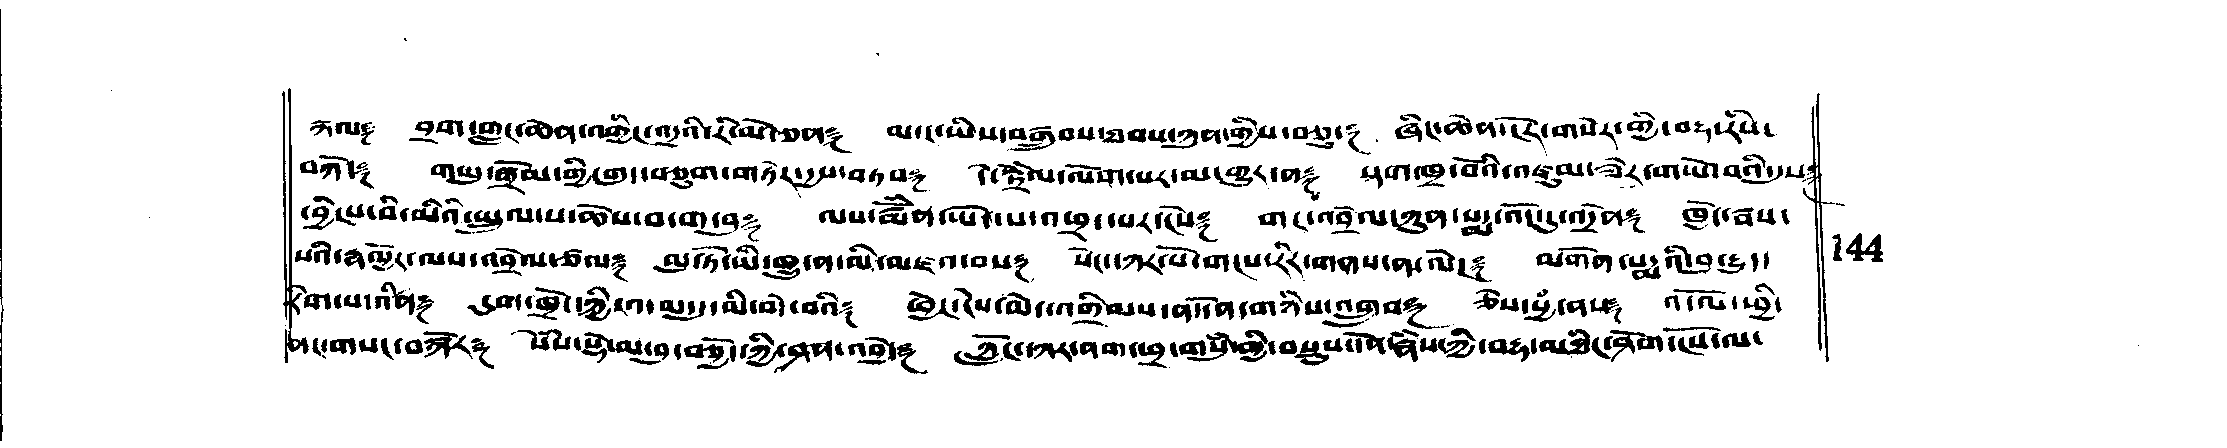སྐལ། །བྲག་གླང་ཆེན་འགྱིང་འདྲའི་རི་མོ་ཅན། །མ་ང་ཡིས་སྒྲུབ་ཐབས་ཀུན་གྱིས་བཅུད། །ཞིང་ཆེན་ངོར་གསེར་གྱི་བརྡ་རིས་
བཀོད། །གཡུ་སྒྲོམ་གྱི་གུད་བཅུག་གཏེར་རྒྱས་བཏབ། །དེ་རྟེན་འབྲེལ་ལོག་པར་མ་གྱུར་ན། །སྟག་ཁྲ་བོའི་འཛུམ་ཟེར་གཡོ་བའི་དུས། །
དབྱིངས་བི་མིའི་སྤྲུལ་པ་ཆོས་བདག་བུ། །ལས་སྨོན་ཡོད་པ་འཕྲད་པར་ངེས། །གང་འབྲེལ་ཀུན་པདྨ་འོད་དུ་འདྲེན། །ཁྱོད་སྦས་
པའི་རྣལ་འབྱོར་ལས་འབྲེལ་རྩལ། །མུ་ཏོ་ཡི་ཁྱུ་ན་མི་མཛའ་བས། །སེང་དཀར་པོ་གངས་རིར་གནས་ན་ལེགས། །མགོན་པདྨའི་བུ་རྒྱུད་
རིག་པ་འཛིན། །དུག་ཁྲོད་ཀྱི་འདམ་དུ་མི་བདེ་བའི། །ཕྱོགས་ངེས་མེད་འགྲིམས་ན་དོན་གཉིས་འགྲུབ། །ཅེས་གསུང་ནས།འོད་གསལ་ཕྱི་
ནང་གསང་བསྐོར། སེམས་སྡེ་མ་བུ་བཅོ་བརྒྱད་ཀྱི་ཤན་འབྱེད། ཀློང་དཀར་ནག་ཕྲ་གསུམ་གྱི་བསྡུས་དོན་རྣམས་ཀྱི་བརྡ་མཐིང་ཤོག་ངོས་ལ་